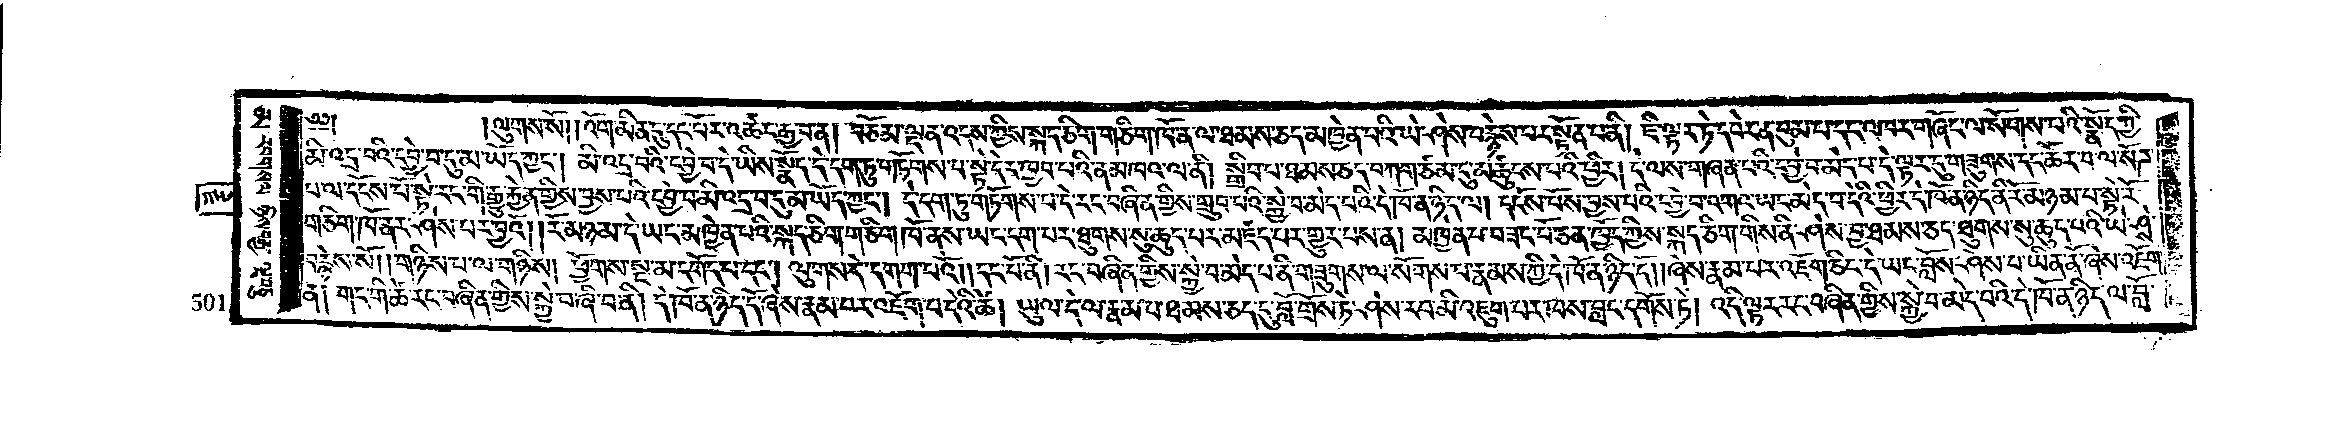༄༅། །ལུགས་སོ། །འོག་མིན་དུ་དང་པོར་འཚང་རྒྱ་བ་ན། བཅོམ་ལྡན་འདས་ཀྱིས་སྐད་ཅིག་གཅིག་ཁོ་ན་ལ་ཐམས་ཅད་མཁྱེན་པའི་ཡེ་ཤེས་བརྙེས་པར་སྟོན་པ་ནི། ཇི་ལྟར་ཏེ་དཔེར་ན་བུམ་པ་དང་འཁར་གཞོང་ལ་སོགས་པའི་སྣོད་ཀྱི་
མི་འདྲ་བའི་དབྱེ་བ་དུ་མ་ཡོད་ཀྱང་། མི་འདྲ་བའི་དབྱེ་བ་དེ་ཡིས་སྣོད་དེ་དག་ཏུ་གཏོགས་པ་སྟེ་དེར་ཁྱབ་པའི་ནམ་མཁའ་ལ་ནི། སྒྲིབ་པ་ཐམས་ཅད་བཀག་ཙམ་དུ་མཚུངས་པའི་ཕྱིར། དེ་ལས་གཞན་པའི་དབྱེ་བ་མེད་པ་དེ་ལྟར་དུ་གཟུགས་དང་ཚོར་བ་ལ་སོགས་
པ་ལ་དངོས་པོ་སྟེ་རང་གི་རྒྱུ་རྐྱེན་གྱིས་བྱས་པའི་དབྱེ་བ་མི་འདྲ་བ་དུ་མ་ཡོད་ཀྱང་། དེ་དག་ཏུ་གཏོགས་པ་དེ་རང་བཞིན་གྱིས་གྲུབ་པའི་སྐྱེ་བ་མེད་པའི་དེ་ཁོ་ན་ཉིད་ལ། དངོས་པོས་བྱས་པའི་དབྱེ་བ་འགའ་ཡང་མེད་པ་དེའི་ཕྱིར་དེ་ཁོ་ན་ཉིད་ནི་རོ་མཉམ་པ་སྟེ་རོ་
གཅིག་ཁོ་ནར་ཤེས་པར་བྱའོ། །རོ་མཉམ་དེ་ཡང་མཁྱེན་པའི་སྐད་ཅིག་གཅིག་ཁོ་ནས་ཡང་དག་པར་ཐུགས་སུ་ཆུད་པར་མཛད་པར་གྱུར་པས་ན། མཁྱེན་པ་བཟང་པོ་ཅན་ཁྱོད་ཀྱིས་སྐད་ཅིག་གིས་ནི་ཤེས་བྱ་ཐམས་ཅད་ཐུགས་སུ་ཆུད་པའི་ཡེ་ཤེས་
བརྙེས་སོ། །གཉིས་པ་ལ་གཉིས། ཕྱོགས་སྔ་མ་དགོད་པ་དང་། ལུགས་དེ་དགག་པའོ། །དང་པོ་ནི། རང་བཞིན་གྱིས་སྐྱེ་བ་མེད་པ་ནི་གཟུགས་ལ་སོགས་པ་རྣམས་ཀྱི་དེ་ཁོ་ན་ཉིད་དོ། །ཞེས་རྣམ་པར་འཇོག་ཅིང་དེ་ཡང་བློས་ཤེས་པ་ཡིན་ནོ་ཞེས་འཇོག་
ན། གང་གི་ཚེ་རང་བཞིན་གྱིས་སྐྱེ་བ་ཞི་བ་ནི། དེ་ཁོ་ན་ཉིད་དོ་ཞེས་རྣམ་པར་འཇོག་པ་དེའི་ཚེ། ཡུལ་དེ་ལ་རྣམ་པ་ཐམས་ཅད་དུ་བློ་གྲོས་ཏེ་ཤེས་རབ་མི་འཇུག་པར་ཁས་བླང་དགོས་ཏེ། འདི་ལྟར་རང་བཞིན་གྱིས་སྐྱེ་བ་མེད་པའི་དེ་ཁོ་ན་ཉིད་ལ་བློ་